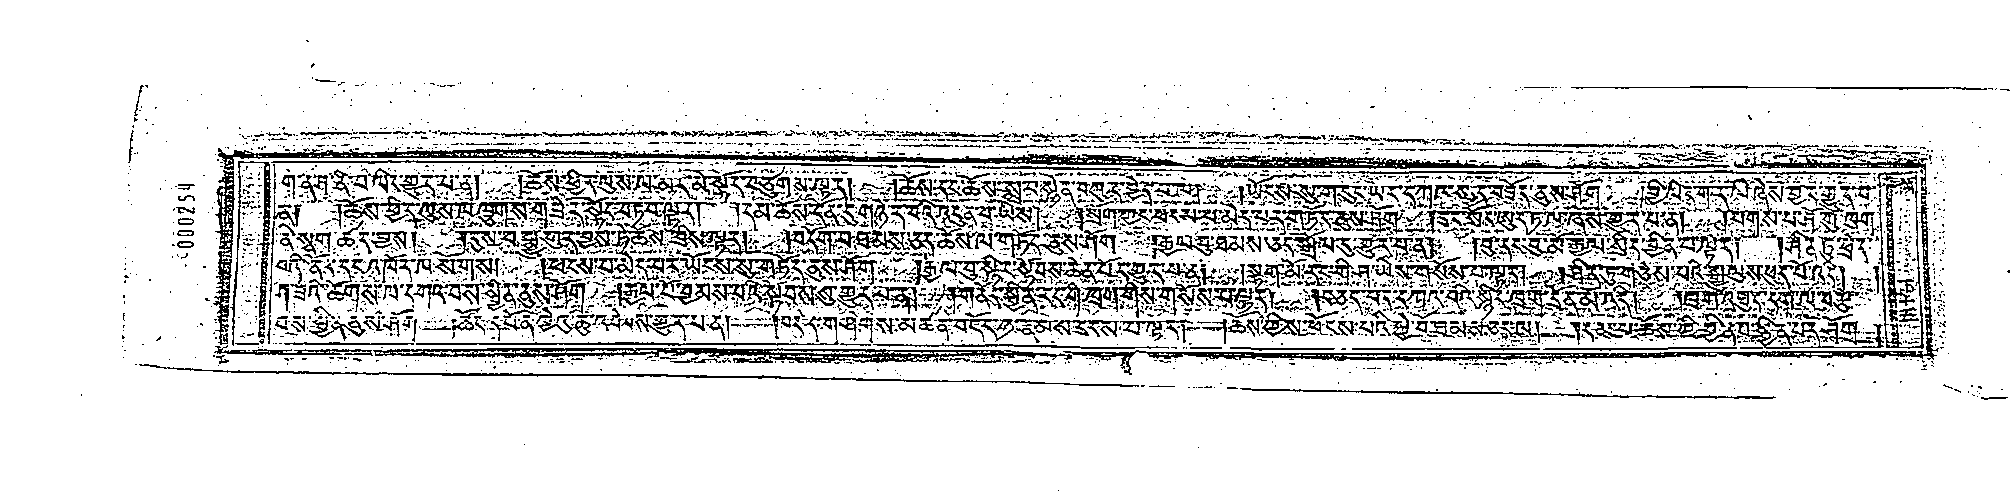ག་ན་ཤ་ནི་པ་ལིར་གྱུར་པ་ན། །ཆོས་ཕྱིར་ལུས་ལ་མར་མེ་སྟོང་བཙུགས་ལྟད། །ཆོས་དང་ཆོས་སྨྲ་བསྙེན་བཀུར་བྱེད་པ་ལ། །ཡོངས་སུ་གདུང་ཡང་དཀའ་སྤྱད་བཟོད་ནུས་ཤོག །བྱི་ལིང་གར་ལི་ཞེས་བྱར་གྱུར་བ་
ན། །ཆོས་ཕྱིར་ལུས་ལ་ལྕགས་གཟེར་སྟོང་བཏབ་ལྟར། །དམ་ཆོས་དོན་དུ་གཉེར་བའི་འདུན་པ་ཡིས། །སྲོག་ཀྱང་ཕངས་པ་མེད་པར་གཏོང་ནུས་ཤོག །དྲང་སྲོང་ཨུད་ཏ་ལ་ཞེས་གྱུར་པ་ན། །པགས་པ་ཤོ་གུ་ཁྲག་
ནི་སྣག་ཚར་བྱས། །རུས་པ་སྨྱུ་གུར་བྱས་ཏེ་ཆོས་བྲིས་ལྟར། །བདོག་པ་ཐམས་ཅད་ཆོས་ལ་གཏོང་ནུས་ཤོག །རྒྱལ་བུ་ཐམས་ཅད་སྒྲོལ་དུ་གྱུར་པ་ན། །བུ་དང་བུ་མོ་རྒྱལ་སྲིད་བྱིན་པ་ལྟར། །ཤིན་ཏུ་ཕྲེད་
བའི་ནོད་དང་འཁོར་ལ་སོགས། །ཕངས་པ་མེད་པར་ཡོངས་སུ་གཏོར་ནུས་ཤོག །རྒྱལ་བུ་སྙིང་སྟོབས་ཆེན་པོར་གྱུར་པ་ན། །སྟག་མོ་རང་གི་ཤ་ཡིས་གསོས་པ་ལྟར། །ཤིན་ཏུ་གཅེས་པའི་སྒྱུ་ལུས་ཕུང་པོ་འདི། །
ཤ་ཟའི་ཚོགས་ལ་དགའ་བས་སྦྱིན་ནུས་ཤོག །རྒྱལ་པོ་བྱམས་པའི་སྟོབས་སུ་གྱུར་པ་ན། །གནོད་སྦྱིན་རང་གི་ཁྲག་གིས་གསོས་པ་ལྟར། །བཅད་པར་དཀའ་བའི་སྙིང་ཁྲག་དྲོན་མོ་འདི། །ཁྲག་འཐུད་དག་ལ་བརྩེ་
བས་སྦྱིན་ནུས་ཤོག །ཚོང་དཔོན་ཁྱེའུ་ཆུ་འབེབས་གྱུར་པ་ན། །བྗེར་གཤེགས་མཚན་བྗོད་ཉ་རྣམས་དྲངས་པ་ལྟར། །ཆོས་ཀྱིས་ཕོངས་པའི་སྐྱེ་བོ་ཐམས་ཅད་ལ། །དམ་པ་ཆོས་ཀྱི་བྱིན་པ་སྦྱིན་པར་ཤོག །